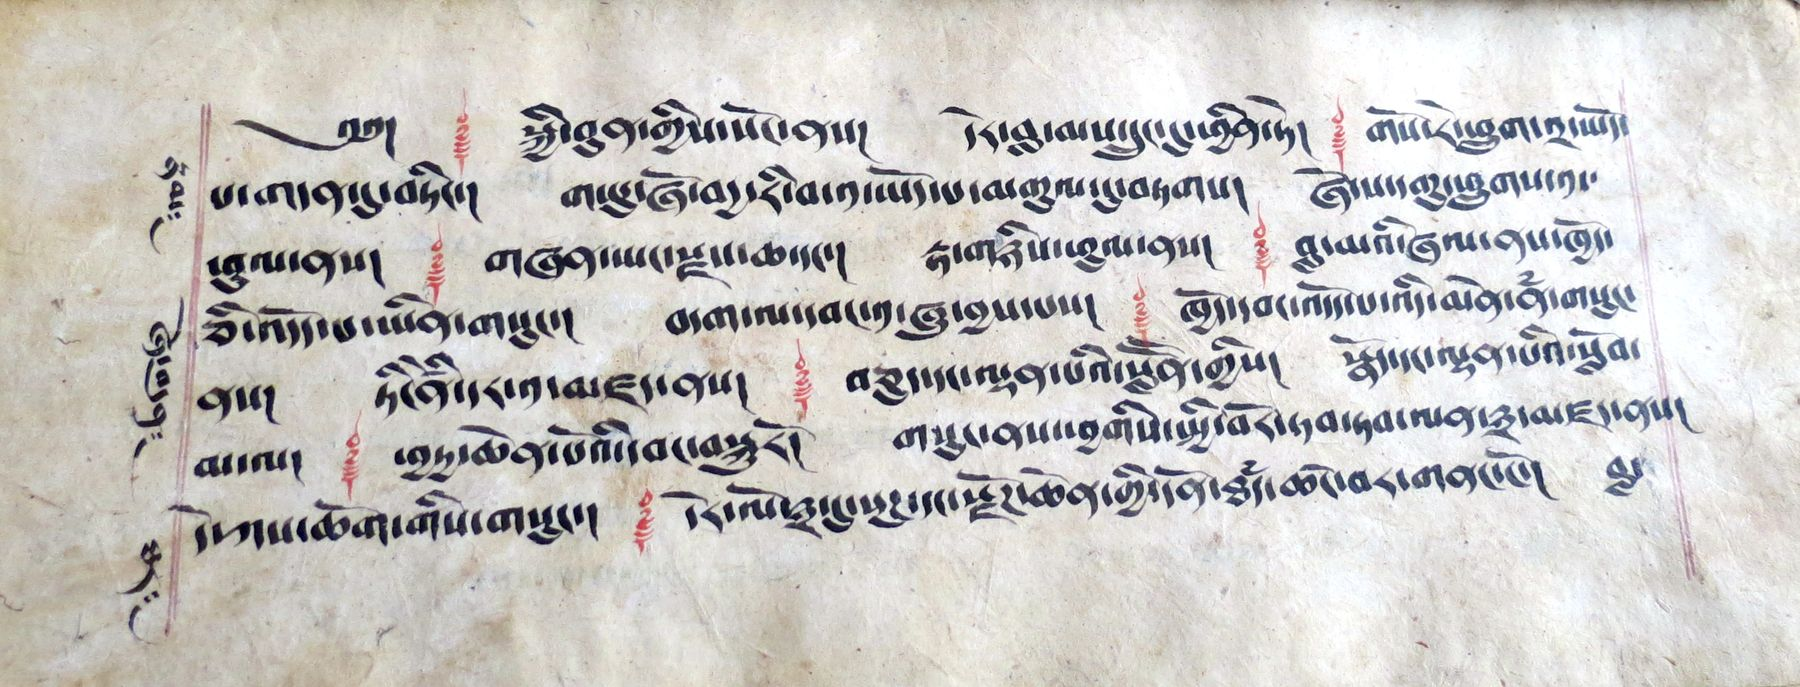སྐྱི་བུན་གྱིས་སོང་ནས། དེར་བླ་མའི་དྲུང་དུ་ཕྱིན་ཏེ། གོས་རས་ཕྲུག་གཉིས་ཡོད་
པ་གདན་དུ་བཏིང་། གཡུ་ཞོ་བརྒྱ་རི་བ་ཞིག་ཡོད་པ་མགུལ་དུ་བཏགས། ཞེ་ས་དགུ་ཕྲུག་ཞིག་
ཕུལ་ནས། གཞན་ཡང་རྫས་ཆ་དང་། རྟ་གཉིས་ཕུལ་ནས། བླ་མའི་ཞལ་ནས་ཁྱོད་
ཅི་འདོད་པ་ཡིན་གསུངས། བདག་ལ་དབང་ཞིག་ཞུ་བྱས་པས། ཁྱོད་དབང་འདོད་པ་འདི་མིན་ནམ་གསུངས། 
ནས། ཏིང་ངེ་འཛིན་དར་ཅིག་མཛད་ནས། བཅུད་དང་ལྡན་པའི་སློབ་དཔོན་གྱིས། སྣོད་དང་ལྡན་པའི་སློམ་
མ་ལ། ཕྱག་རྒྱ་ཆེན་པོའི་དབང་བསྐུར་རོ། ། གསུང་ནས་ཕྱག་གིས་སྤྱི་བོར་བཏབ་བཏབ་ལན་གསུམ་མཛད་ནས། 
དེ་ཀས་ཆོག་གི་གསུངས་ནས། དེར་ལོ་གསུམ་དུ་སྔགས་དང་རྫོགས་ཆེན་གྱི་དོན་ཐམས་ཅད་ཚང་བར་གནང་ངོ་། ། བླ་